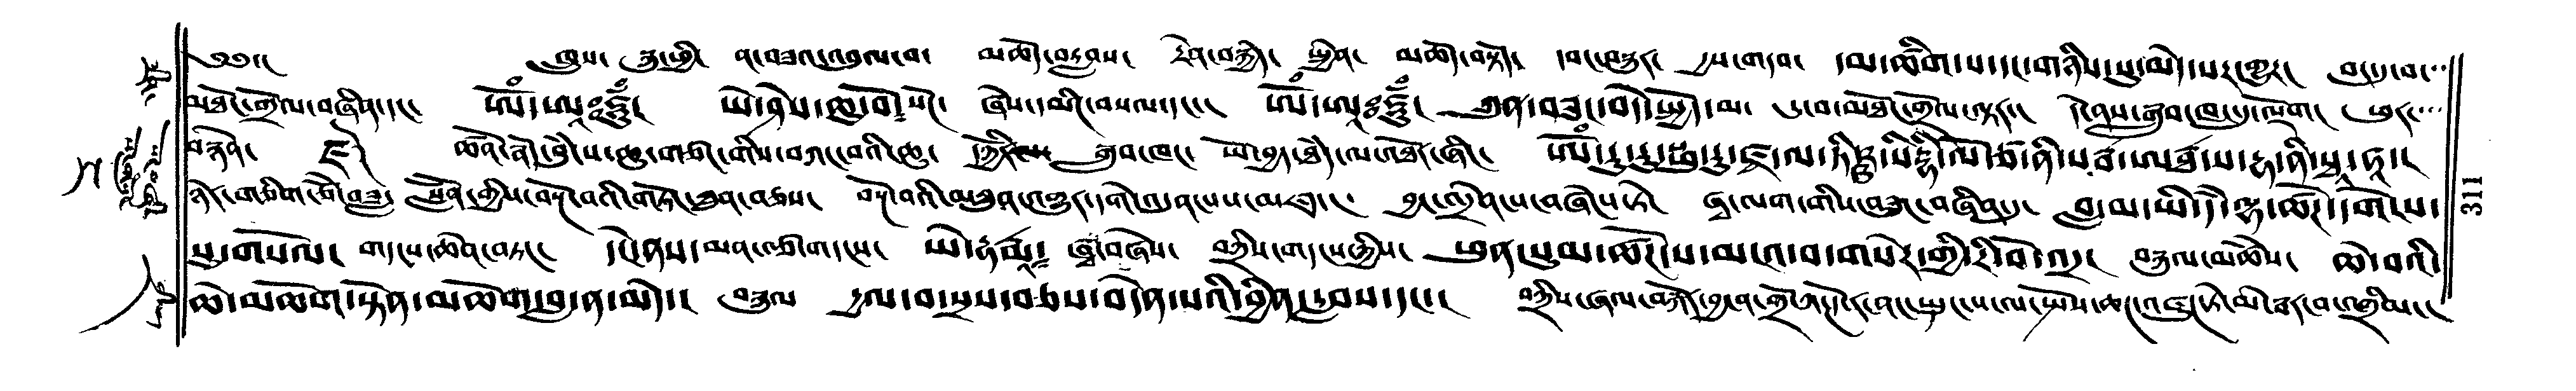ཁྲུས། སྐུ་ཕྱི། ན་བཟའ་འབུལ་བ། མཆོད་རླབས། རྟེན་བསྐྱེད། སྤྱན་འདྲེན། མཆོད་བསྟོད། དབང་བསྐུར། རྒྱས་གདབ། དམ་ཚིག་པ་དང་གཉིས་སུ་མེད་པར་གྱུར། བར་དུ་བ་
མཐོང་གྲོལ་བཞིན་དང་། ཨོཾ་ཨཱཿཧཱུྃ་ཡེ་ཤེས་ཆུ་བོ༴ སོགས། ཞེས་དམིགས་བསལ་དང་། ཨོཾ་ཨཱཿཧཱུྃ། ཀུན་བཟང་བདེ་སྤྱོད༴ སོགས། དུ་བ་མཐོང་གྲོལ་ལྟར། དེ་ནས་སྒྲུབ་ཁང་དུ་ལྡོག ཕུར་
སྙེན། ཚོན་སྣོད་བུམ་པ་ཆུ་གཙང་གིས་བཀང་བའི་ཆུ་དཀྱིལ་འཁོར། སྒྲུབ་ཁང་། ཡོ་བྱད་ཐམས་ཅད་ལ་འཐོར་ཞིང་། ཨོཾ་རུ་རུ་སྥུ་རུ་ཛྭ་ལ་ཏིཥྛ་སིདྡྷི་ལོ་ཙ་ནི་སརྦ་ཨརྠ་ས་དྷ་ནི་སྭ་ཧཱ། 
ཉེར་གཅིག་ཙམ་བཟླ། སློབ་དཔོན་གྱིས་བསྔོ་བའི་གཏོང་མཐུན་བཅས་བསྔོ་བའི་མཐུན་འགྱུར་དགེ་འདུན་པས་མཛད། བྱང་འདྲེན་པ་བཞེངས་ཏེ། ཞྭ་ལག་གིས་འཛིན་བཞིན་དུ། བླ་མ་ཡི་དམ་ལྷ་ཚོགས་དགོངས་
སུ་གསོལ༴ གདངས་ཆེན་གཏང་། དེང་ནས་མན་རྩ་གདངས། ཡེ་དྷརྨཱ༴ ཞྭ་བཞེས། བཀྲ་ཤིས་གདངས་ཀྱིས། ཕུན་སུམ་ཚོགས་པ་མངའ་བ་གསེར་གྱི་རི་བོ་འདྲ༴ བསྐུལ་མཚམས། ཆེ་བའི་
ཆེ་མཆོག་སྟོན་མཆོག་བླ་ན་མེད། བསྐུལ། རྒྱལ་བ་སྲས་བཅས་བདེན་པའི་བྱིན་རླབས་དང༴ བཀྲ་ཤིས་ཞལ་བསྐོར་བྱ་ན་གྲོ་ཀ་ཏོ་རའི་ནང་སྤུངས་པ་ལ་སྤོས་བཙུགས་ཏེ་མེ་སྦར་བ་དགྲམ།